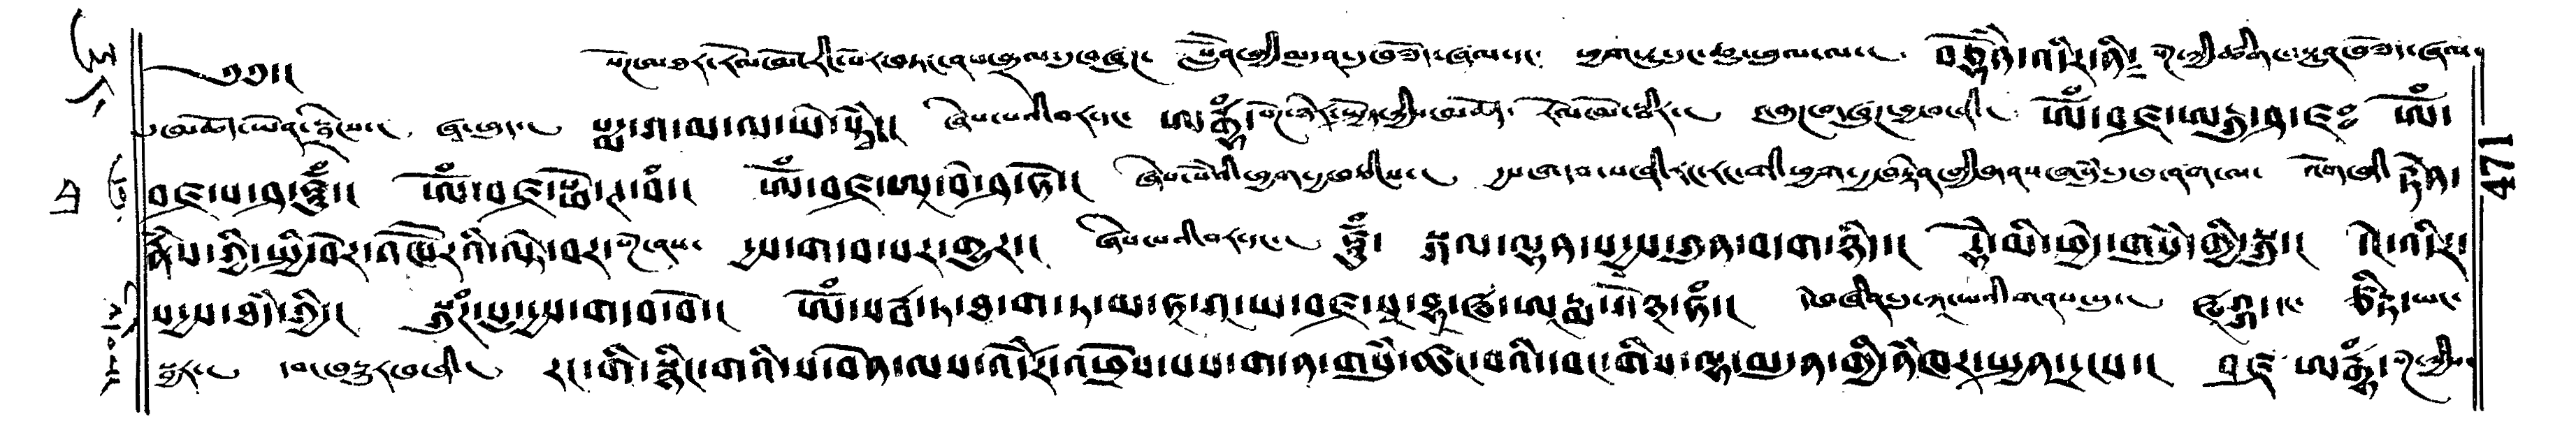སོགས་མཐར་རོལ་མོ་རིང་པོར་བཏང་ནས་གྲལ་དུ་བཞུགས། སློབ་དཔོན་གྱི་མདུན་དུ་བཟེད་ཞལ་དང་། ཕྱག་ཏུ་དུང་ཆུ་ཕུལ་ལ། བཅོམ་ལྡན་འདིར་ནི༴ སོགས་ཀྱི་ཚིག་བསྟུན་བཟེད་ཞལ་
དུ་མཆོད་ཡོན་སྦྲེངས། ཞྭ་ཕུད། པདྨ་ཀ་མ་ལ་ཡེ་སྟྭཾ། ཞེས་པའི་བར་དང་། ཨརྒྷཾ༴ ས ོགས་ཉེར་སྤྱོད་ཀྱིས་མཆོད། རོལ་མོ་སྦིར། འགུགས་གཞུགས་བྱ་བ་ནི། ཨོཾ་བཛྲ་ཨངྐུ་ཤ་ཛཿ ཨོཾ་
བཛྲ་པ་ཤ་ཧཱུྃ། ཨོཾ་བཛྲ་སྥོ་ཊ་བཾ། ཨོཾ་བཛྲ་ཨཱ་བེ་ཤ་ཧོ། ཞེས་སེམས་དཔའི་ཕྱག་རྒྱ་བཅིངས།རྒྱས་གདབ་པ་ནི་རང་རང་གི་ཕྱག་རྒྱ་བརྟེན་གྱི་གནས་གསུམ་དུ་བ་བཞག་ལ། འོག་གི རྟེན་
རྣམས་ཀྱི་སྤྱི་བོར་འཁོར་ལོའི་ལྟེ་བར༴ སོགས་ནས་རྒྱས་གདབ་པར་གྱུར། ཞེས་པའི་བར་དང་། ཧཱུྃ། སྐལ་ལྡན་སངས་རྒྱས་ཀུན་བདག་ཉིད། །རྡོ་རྗེ་མི་ཕྱེད་གསུམ་གྱི་སྐུ། །དེང་འདིར་
སངས་རྒྱས་ཐམས་ཅད་ཀྱི། །སྐུ་གསུང་ཐུགས་སུ་རྒྱས་གདབ་བོ། ཨོཾ་སརྦ་ཏ་ཐ་ག་ཏ་མ་ཧཱ་ཀཱ་ཡ་བཛྲ་སྭ་བྷཱ་ཝ་ཨཱཏྨ་ཀོ྅་ཧཾ། དེ་བཞིན་དུ་ཀཱ་ཡའི་གནས་སུ། ཝཱཀྐ་དང་། ཙིཏྟ་ཡང་
སྦྱར། དབང་བསྐུར་བ་ནི། རང་གི་སྙིང་གའི་ས་བོན་ལས་འོད་ཟེར་འཕྲོས་པས་གདན་གསུམ་ཚང་བའི་དབང་གིས་ལྷ་མདུན་གྱི་ནམ་མཁར་སྤྱན་དྲངས། བཛྲ་ཨརྒྷཾ༴ སོགས་ཀྱིས་